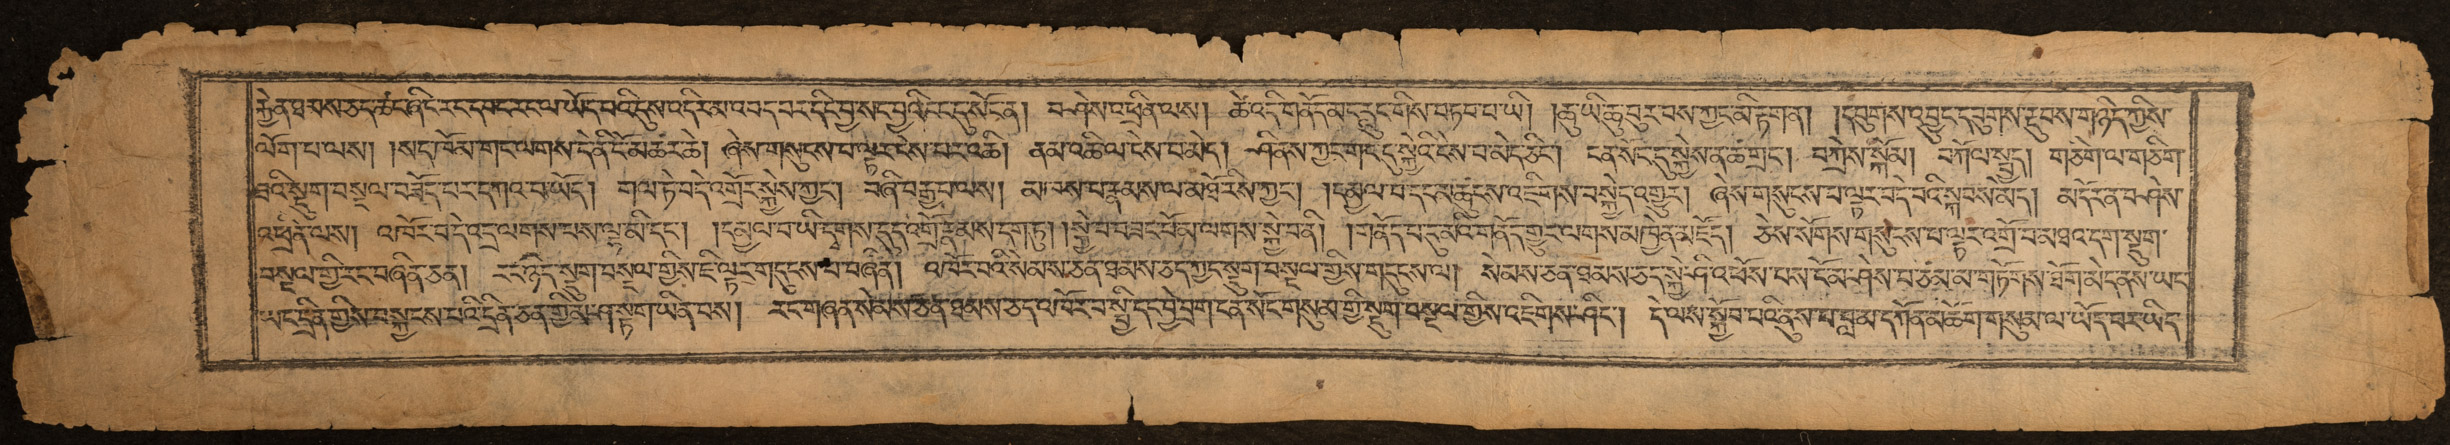རྐྱེན་ཐམས་ཅད་ཚང་ཞིང་རང་དབང་རང་ལ་ཡོད་པའི་དུས་འདིར་མ་འབད་པར་དིང་བྱ་སང་བྱའི་ངང་དུ་སོང་ན། བཤེས་འཕྲིན་ལས། ཚེ་འདི་གནོད་མང་རླུང་གིས་བཏབ་པ་ཡི། །ཆུ་ཡི་ཆུ་བུར་པས་ཀྱང་མི་རྟག་ན། །དབུགས་འབྱུང་དབུགས་རྡུ་བས་གཉིད་ཀྱིས་
ལོག་པ་ལས། །སང་ཁོམ་གང་ལགས་དེ་ནི་ངོ་མཚར་ཆེ། ཞེས་གསུངས་པ་ལྟར་ངེས་པར་འཆི། ནམ་འཆི་ལ་ངེས་པ་མེད། ཤི་ནས་ཀྱང་གང་དུ་སྐྱེའི་ངེས་པ་མེད་ཅིང་། ངན་སོང་དུ་སྐྱེས་ན་ཚ་གྲང་། བཀྲེས་སྐོམ། བཀོལ་སྤྱོད། གཅིག་ལ་གཅིག་
ཟའི་སྡུག་བསྔལ་བཟོད་པར་དཀའ་པ་ཡོད། གལ་ཏེ་བདེ་འགྲོར་སྐྱེས་ཀྱང་། བཞི་བརྒྱ་པ་ལས། མཁས་པ་རྣམས་ལ་མཐོ་རིས་ཀྱང་། །དམྱལ་བ་དང་མཚུངས་འཇིགས་བསྐྱེད་འགྱུར། ཞེས་གསུངས་པ་ལྟར་བདེ་བའི་སྐབས་མེད། མདོར་ན་བཤེས་
འཕྲིན་ལས། འཁོར་བ་དེ་འདྲ་ལགས་པས་ལྷ་མི་དང་། །དམྱལ་བ་ཡི་དྭགས་དུད་འགྲོ་རྣམས་དག་ཏུ། །སྐྱེ་བ་བཟང་པོ་མ་ལགས་སྐྱེ་བ་ནི། །གནོད་བ་དུ་མའི་གནོད་གྱུར་ལགས་མཁྱེན་མཛོད། ཅེས་སོགས་གསུངས་བ་ལྟར་འགྲོ་བ་མཐའ་དག་སྡུག་
བསྔལ་གྱི་རང་བཞིན་ཅན། རང་ཉིད་སྡུག་བསྔལ་གྱིས་ཇི་ལྟར་གདུངས་པ་བཞིན། འཁོར་བའི་སེམས་ཅན་ཐམས་ཅད་ཀྱང་སྡུག་བསྔལ་གྱིས་གདུངས་ལ། སེམས་ཅན་ཐམས་ཅད་སྐྱེ་ཤི་འཕོས་པས་ངོ་མ་ཤེས་པ་ཙམ་མ་གཏོགས་ཐོག་མེད་ནས་ཡང་
ཡང་དྲིན་གྱིས་བསྐྱངས་པའི་དྲིན་ཅན་གྱི་མ་ཤ་སྟག་ཡིན་པས། རང་གཞན་སེམས་ཅན་ཐམས་ཅད་འཁོར་བ་སྤྱི་དང་བྱེ་བྲག་ངན་སོང་གསུམ་གྱི་སྡུག་བསྔལ་གྱིས་འཇིགས་ཤིང་། དེ་ལས་སྐྱོབ་པའི་ནུས་པ་བླ་མ་དཀོན་མཆོག་གསུམ་ལ་ཡོད་པར་ཡིད་